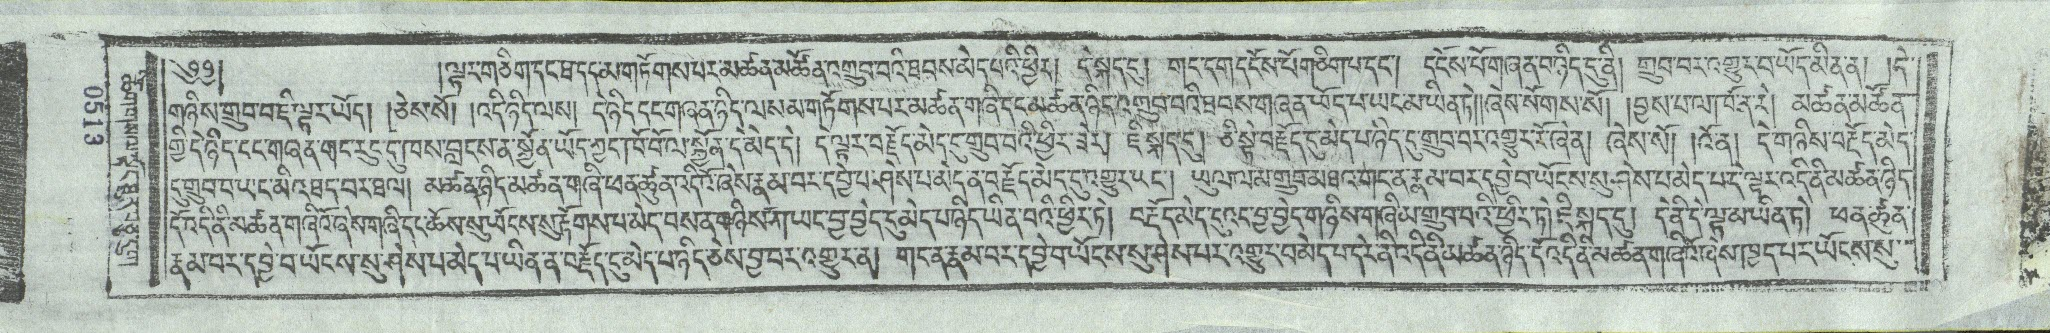༄༅། །ལྟར་གཅིག་དང་ཐ་དད་མ་གཏོགས་པར་མཚན་མཚོན་འགྲུབ་བའི་ཐབས་མེད་པའི་ཕྱིར། དེ་སྐད་དུ། གང་དག་དངོས་པོ་གཅིག་པ་དང་། དངོས་པོ་གཞན་པ་ཉིད་དུ་ནི། གྲུབ་པར་འགྱུར་བ་ཡོད་མིན་ན། །དེ་
གཉིས་གྲུབ་པ་ཇི་ལྟར་ཡོད། །ཅེས་སོ། །འདི་ཉིད་ལས། དེ་ཉིད་དང་གཞན་ཉིད་ལས་མ་གཏོགས་པར་མཚན་གཞི་དང་མཚན་ཉིད་འགྲུབ་པའི་ཐབས་གཞན་ཡོད་པ་ཡང་མ་ཡིན་ཏེ། །ཞེས་སོགས་སོ། །བྱས་པ་ལ་ཁོ་ན་རེ། མཚན་མཚོན་
གྱི་དེ་ཉིད་དང་གཞན་གང་རུང་དུ་ཁས་བླངས་ན་སྐྱོན་ཡོད་ཀྱང་ཁོ་བོ་ལ་སྐྱོན་དེ་མེད་དེ། དེ་ལྟར་བརྗོད་མེད་དུ་གྲུབ་པའི་ཕྱིར་ཟེར། ཇི་སྐད་དུ། ཅི་སྟེ་བརྗོད་དུ་མེད་པ་ཉིད་དུ་གྲུབ་པར་འགྱུར་རོ་ཞེ་ན། ཞེས་སོ། །འོ་ན། དེ་གཉིས་བརྗོད་མེད་
དུ་གྲུབ་པ་ཡང་མི་འཐད་པར་ཐལ། མཚན་ཉིད་མཚན་གཞི་ཕན་ཚུན་འདིའོ་ཞེས་རྣམ་པར་དབྱེ་བ་ཤེས་པ་མེད་ན་བརྗོད་མེད་དུ་འགྱུར་ཡང་། ཡུལ་ལ་མ་གྲུབ་མཐའ་གང་ན་རྣམ་པར་དབྱེ་བ་ཡོངས་སུ་ཤེས་པ་མེད་པ་དེ་ལྟར་འདི་ནི་མཚན་ཉིད་
དོ་འདི་ནི་མཚན་གཞིའོ་ཞེས་གཞི་དང་ཆོས་སུ་ཡོངས་སུ་རྟོགས་པ་མེད་བས་ན་གཉིས་ཀ་ཡང་བྱ་བྱེད་དུ་མེད་པ་ཉིད་ཡིན་པའི་ཕྱིར་ཏེ། བརྗོད་མེད་དུའང་བྱ་བྱེད་གཉིས་གཞི་མ་གྲུབ་པའི་ཕྱིར་ཏེ། ཇི་སྐད་དུ། དེ་ནི་དེ་ལྟ་མ་ཡིན་ཏེ། ཕན་ཚུན་
རྣམ་པར་དབྱེ་བ་ཡོངས་སུ་ཤེས་པ་མེད་པ་ཡིན་ན་བརྗོད་དུ་མེད་པ་ཉིད་ཅེས་བྱ་བར་འགྱུར་ན། གང་ན་རྣམ་པར་དབྱེ་བ་ཡོངས་སུ་ཤེས་པར་འགྱུར་བ་མེད་པ་དེར་ནི་འདི་ནི་མཚན་ཉིད་དོ་འདི་ནི་མཚན་གཞིའོ་ཞེས་ཁྱད་པར་ཡོངས་སུ་